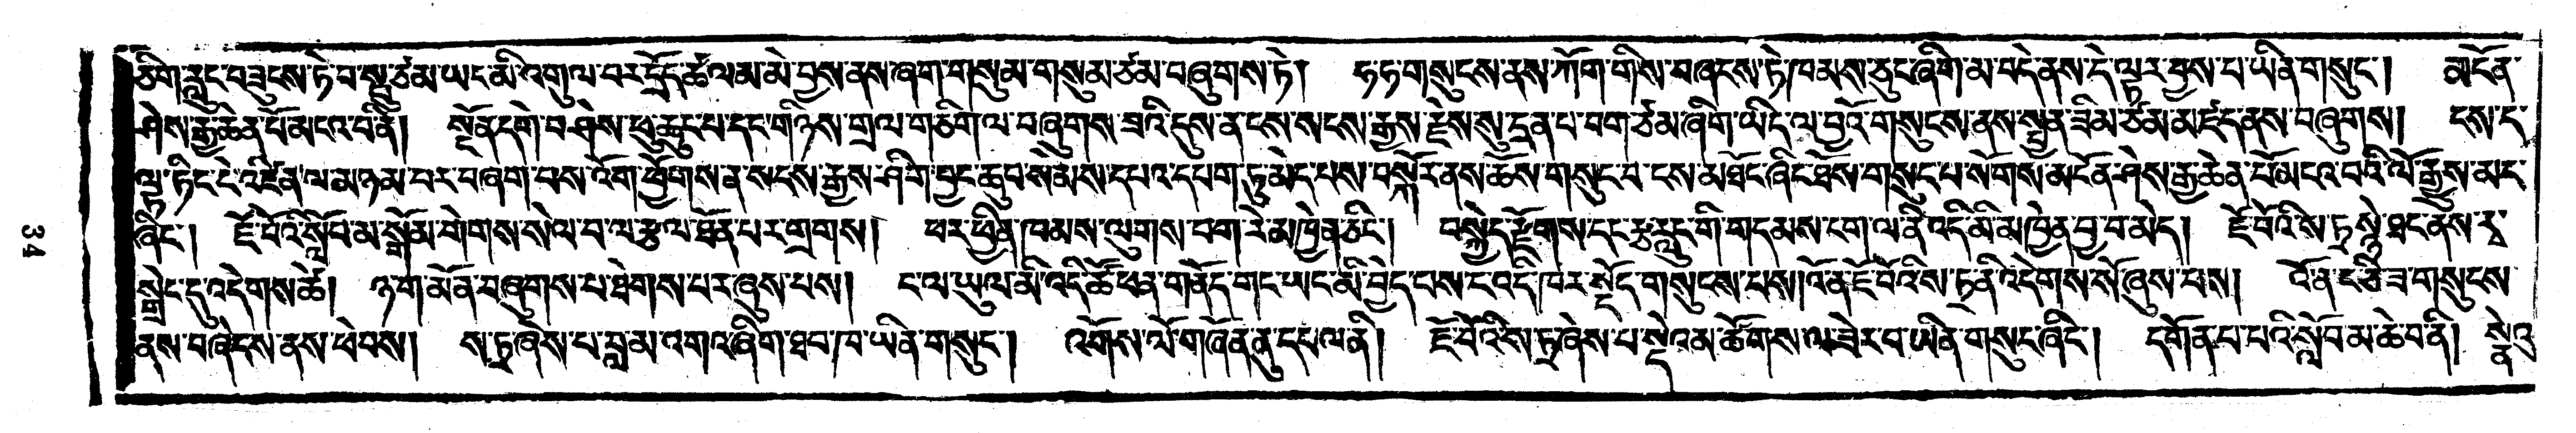ཅིག་རླུང་བཟུངས་ཏེ་བ་སྦུ་ཙམ་ཡང་མི་འགུལ་བར་དྲོད་ཚ་ལམ་མེ་བྱས་ནས་ཞག་གསུམ་གསུམ་ཙམ་བཞུགས་ཏེ། ཧ་ཧ་གསུངས་ནས་ཀོག་གིས་བཞངས་ཏེ་ཁམས་ཅུང་ཞིག་མ་བདེ་ནས་དེ་ལྟར་བྱས་པ་ཡིན་གསུང་། མངོན་
ཤེས་རྒྱ་ཆེན་པོ་མངའ་བ་ནི། སྔོན་དགེ་བཤེས་ཕུ་ཆུང་པ་དང་གཉིས་གྲལ་གཅིག་ལ་བཞུགས་ཟའི་དུས་ན་ངས་སངས་རྒྱས་རྗེས་སུ་དྲན་པ་བག་ཙམ་ཞིག་ཡིད་ལ་བྱའོ་གསུངས་ནས་སྤྱན་ཟིམ་ཙམ་མཛད་ནས་བཞུགས། ངས་ད་
ལྟ་ཏིང་ངེ་འཛིན་ལ་མཉམ་པར་བཞག་པས་འོག་ཕྱོགས་ན་སངས་རྒྱས་ཤིག་བྱང་ཆུབ་སེམས་དཔའ་དཔག་ཏུ་མེད་པས་བསྐོར་ནས་ཆོས་གསུང་བ་ངས་མཐོང་ཞིང་ཐོས་གསུང་པ་སོགས་མངོན་ཤེས་རྒྱ་ཆེན་པོ་མངའ་བའི་ལོ་རྒྱུས་མང་
ཞིང་། ཇོ་བོའི་སློབ་མ་སྒོམ་གེགས་སེལ་བ་ལ་རྩལ་ཐོན་པར་གྲགས། ཕར་ཕྱིན་ཁམས་ལུགས་བག་རེ་མཁྱེན་ཅིང་། བསྐྱེད་རྫོགས་དང་རྩ་རླུང་གི་གདམས་ངག་ལ་ནི་འདི་མི་མཁྱེན་བྱ་བ་མེད། ཇོ་བོའི་ས་ཏྲ་སྙེ་ཐང་ནས་རྭ་
སྒྲེང་དུ་འདེགས་ཚེ། ཉག་མོ་ན་བཞུགས་པ་ཐེགས་པར་ཞུས་པས། ང་ལ་ཡུལ་མི་འདི་ཚོ་ཕན་གནོད་གང་ཡང་མི་བྱེད་པས་ང་འདི་ཁར་སྡོད་གསུངས་པས། འོ་ན་ཇོ་བོའི་ས་ཏྲ་ནི་འདེགས་སོ་ཞུས་པས། འོ་ན་ང་ཅི་ཟ་གསུངས་
ནས་བཞེངས་ནས་ཕེབས། ས་ཏྭ་ཞེས་པ་བླ་མ་འགའ་ཞིག་ཐབ་ཁ་ཡིན་གསུང་། འགོས་ལོ་གཞོན་ནུ་དཔལ་ནི། ཇོ་བོའི་ས་ཏྲ་ཞེས་པ་སྡེའམ་ཚོགས་ལ་ཟེར་བ་ཡིན་གསུངས་ཞིང་། དགོན་པ་པའི་སློབ་མ་ཆེ་བ་ནི། སྣེའུ་